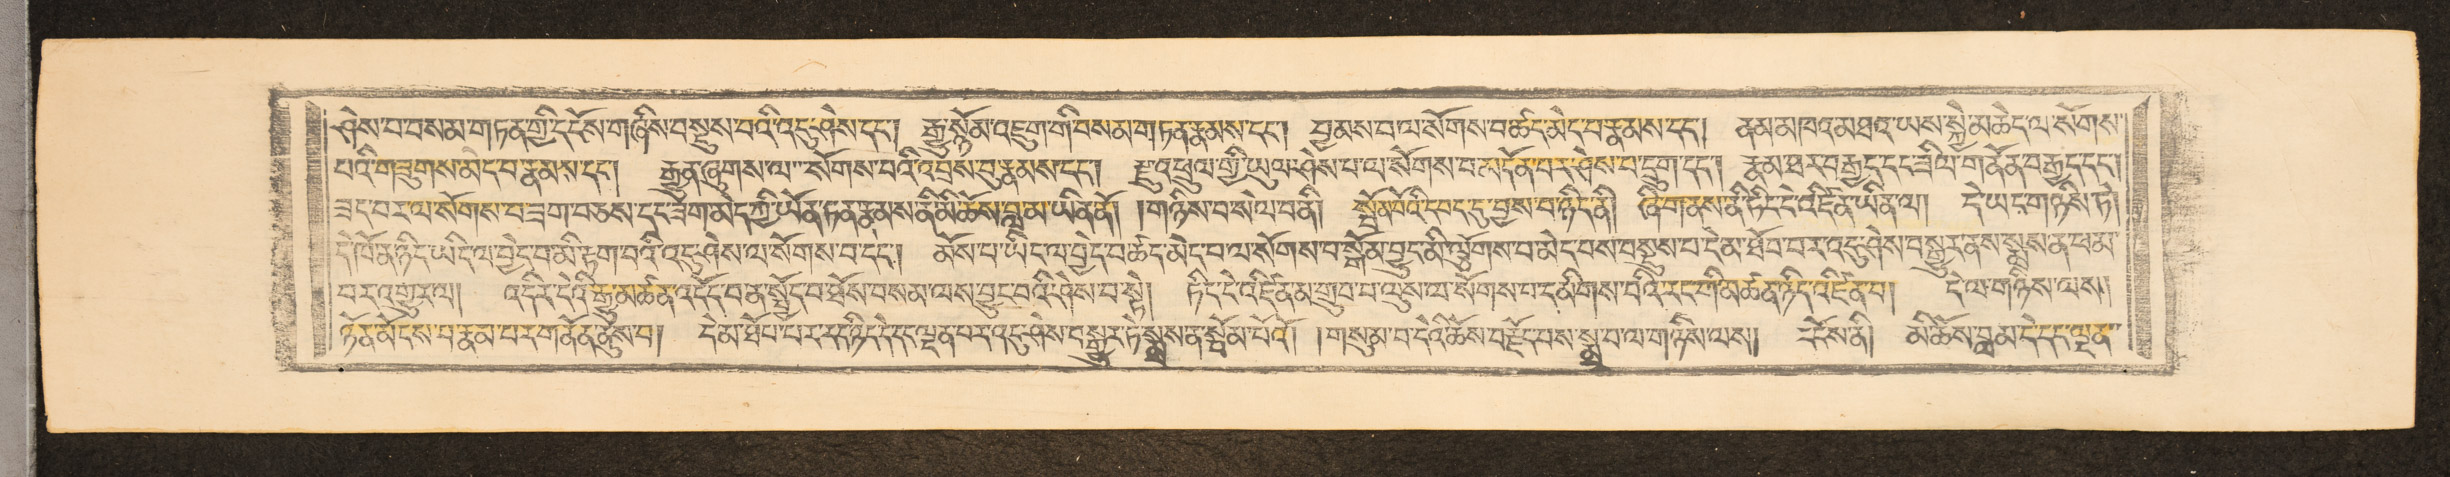ཤེས་པ་བསམ་གཏན་གྱི་དངོས་གཞིས་བསྡུས་པའི་འདུ་ཤེས་དང་། རྒྱུ་སྙོམ་འཇུག་གི་བསམ་གཏན་རྣམས་དང་། བྱམས་པ་ལ་སོགས་པ་ཚད་མེད་པ་རྣམས་དང་། ནམ་མཁའ་མཐའ་ཡས་སྐྱེ་མཆེད་ལ་སོགས་
པའི་གཟུགས་མེད་པ་རྣམས་དང་། རྒྱུན་ཞུགས་ལ་སོགས་པའི་འབྲས་བུ་རྣམས་དང་། རྫུ་འཕྲུལ་གྱི་ཡུལ་ཤེས་པ་ལ་སོགས་པ་མངོན་པར་ཤེས་པ་དྲུག་དང་། རྣམ་ཐར་བརྒྱད་དང་ཟིལ་གནོན་བརྒྱད་དང་།
ཟད་པར་ལ་སོགས་པ་ཟག་བཅས་དང་ཟག་མེད་ཀྱི་ཡོན་ཏན་རྣམས་ནི་མི་ཆོས་བླ་མ་ཡིན་ནོ། །གཉིས་པ་སེལ་བ་ནི། སྦོམ་པོའི་དབང་དུ་བྱས་པ་ཉིད་ནི། ཞི་གནས་ནི་ཏིང་ངེ་འཛིན་ཡིན་ལ། དེ་ཡང་གཉིས་ཏེ།
དེ་ཁོ་ན་ཉིད་ཡིད་ལ་བྱེད་པ་མི་རྟག་པའི་འདུ་ཤེས་ལ་སོགས་པ་དང་། མོས་པ་ཡིད་ལ་བྱེད་པ་ཚད་མེད་པ་ལ་སོགས་པ་སྒོམ་བྱུང་མི་ལྕོགས་པ་མེད་པས་བསྡུས་པ་དེ་མ་ཐོབ་པར་འདུ་ཤེས་བསྒྱུར་ནས་སྨྲས་ན་ཕམ་
པར་འགྱུར་ལ། འདིར་དེའི་རྒྱུ་མཚན་འདོད་པ་ན་སྤྱོད་པ་ཐོས་བསམ་ལས་བྱུང་བའི་ཤེས་པ་སྟེ། ཏིང་ངེ་འཛིན་མ་གྲུབ་པ་ལུས་ལ་སོགས་པ་དམིགས་པའི་རང་གི་མཚན་ཉིད་འཛིན་པ། དེ་ལ་གཉིས་ལས།
ཉོན་མོངས་པ་རྣམ་པར་གནོན་ནུས་པ། དེ་མ་ཐོབ་པར་རང་ཉིད་དེ་དང་ལྡན་པར་འདུ་ཤེས་བསྒྱུར་ཏེ་སྨྲས་ན་སྦོམ་པོའོ། །གསུམ་པ་དེའི་ཆོས་བརྗོད་པས་སྨྲ་བ་ལ་གཉིས་ལས། དངོས་ནི། མི་ཆོས་བླ་མ་དེ་དང་ལྡན་